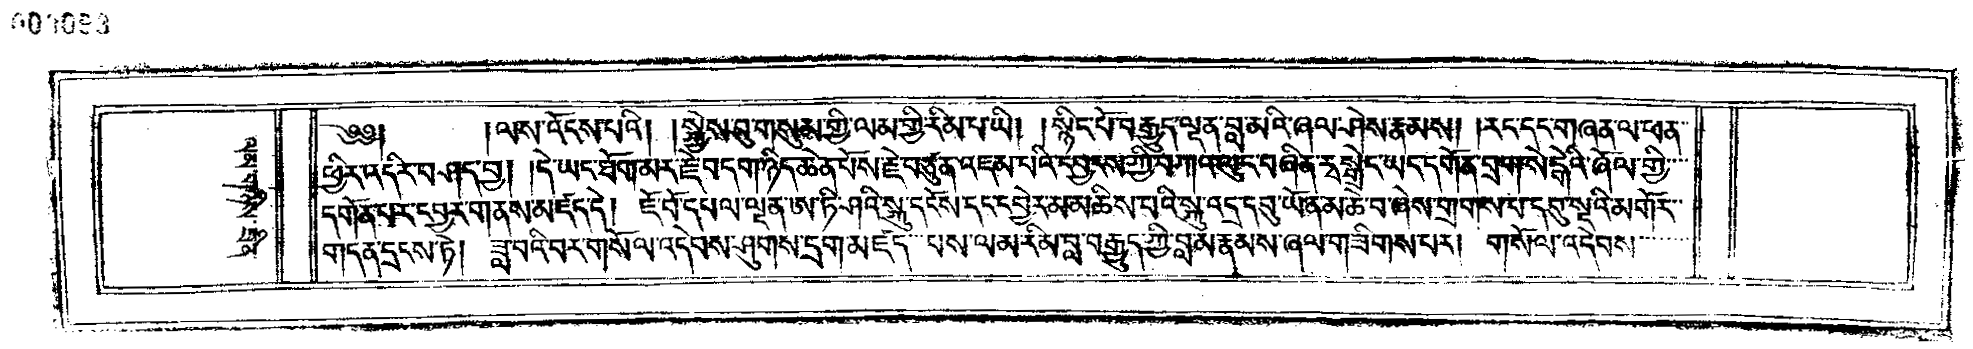༄༅། །ལས་འོངས་པའི། །སྐྱེས་བུ་གསུམ་གྱི་ལམ་གྱི་རིམ་པ་ཡི། །སྙིང་པོ་བརྒྱུད་ལྡན་བླ་མའི་ཞལ་ཤེས་རྣམས། །རང་དང་གཞན་ལ་ཕན་
ཕྱིར་འདིར་བཤད་བྱ། །དེ་ཡང་ཐོག་མར་རྗེ་བདག་ཉིད་ཆེན་པོས་རྗེ་བཙུན་འཇམ་པའི་དབྱངས་ཀྱི་བཀའ་ལུང་བཞིན་རྭ་སྒྲེང་ཡང་དགོན་བྲག་སེངྒེའི་ཞོལ་གྱི་
དགོན་པར་དབྱར་གནས་མཛད་དེ། ཇོ་བོ་དཔལ་ལྡན་ཨ་ཏི་ཤའི་སྐུ་དངོས་དང་དབྱེར་མ་མཆིས་པའི་སྐུ་འདྲ་དབུ་ཡོན་མ་ཆེ་བ་ཞེས་གྲགས་པ་དབུ་སྡའི་མགོར་
གདན་དྲངས་ཏེ། ཟླ་བའི་བར་གསོལ་འདེབས་ཤུགས་དྲག་མཛད་པས་ལམ་རིམ་བླ་བརྒྱུད་ཀྱི་བླ་མ་རྣམས་ཞལ་གཟིགས་པར། གསོལ་འདེབས་